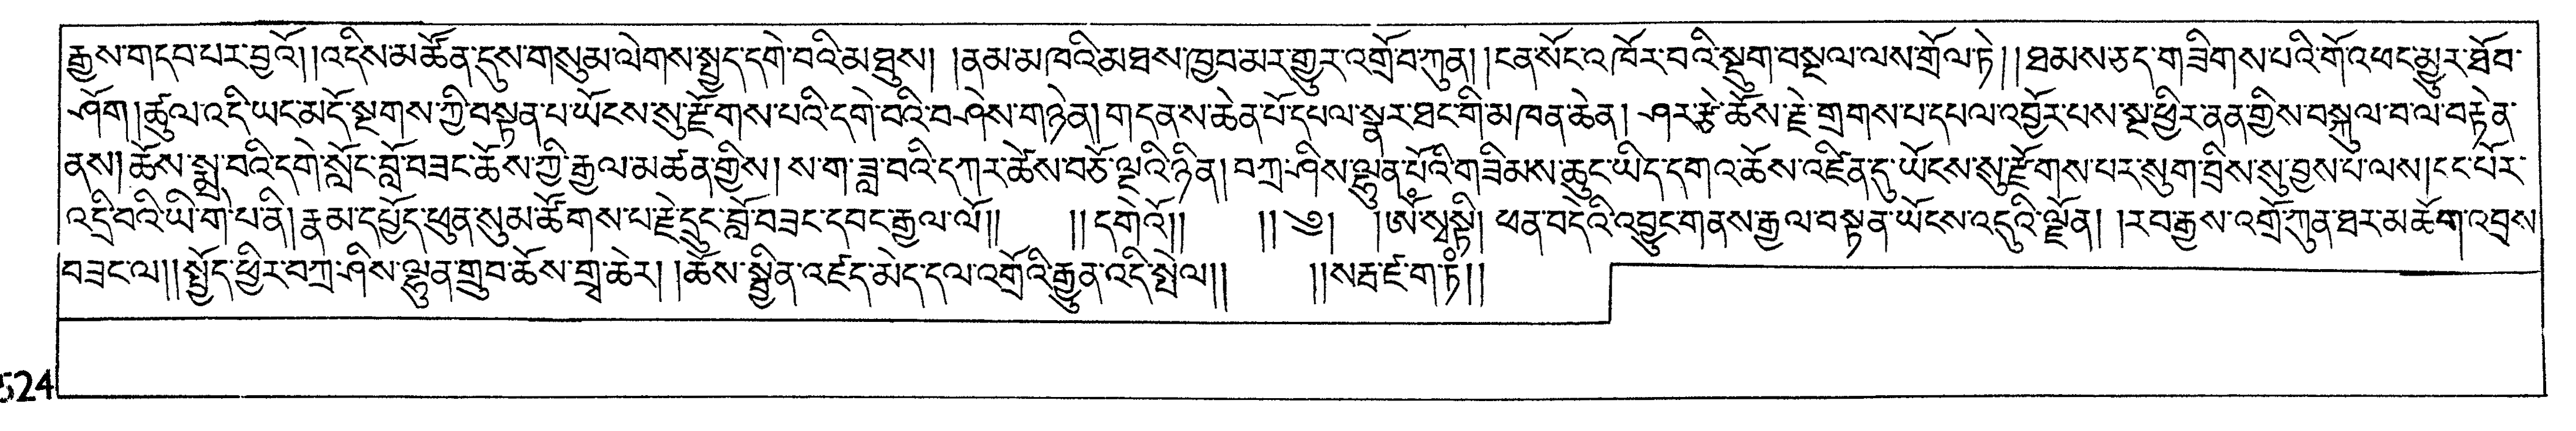རྒྱས་གདབ་པར་བྱའོ། །འདིས་མཚོན་དུས་གསུམ་ལེགས་སྤྱད་དགེ་བའི་མཐུས། །ནམ་མཁའི་མཐས་ཁྱབ་མར་གྱུར་འགྲོ་བ་ཀུན། །ངན་སོང་འཁོར་བའི་སྡུག་བསྔལ་ལས་གྲོལ་ཏེ། །ཐམས་ཅད་གཟིགས་པའི་གོ་འཕང་མྱུར་ཐོབ་
ཤོག །ཚུལ་འདི་ཡང་མདོ་སྔགས་ཀྱི་བསྟན་པ་ཡོངས་སུ་རྫོགས་པའི་དགེ་བའི་བཤེས་གཉེན། གདན་ས་ཆེན་པོ་དཔལ་སྣར་ཐང་གི་མཁན་ཆེན། ཤར་རྩེ་ཆོས་རྗེ་གྲགས་པ་དཔལ་འབྱོར་པས་སྔ་ཕྱིར་ནན་གྱིས་བསྐུལ་བ་ལ་བརྟེན་
ནས། ཆོས་སྨྲ་བའི་དགེ་སློང་བློ་བཟང་ཆོས་ཀྱི་རྒྱལ་མཚན་གྱིས། ས་ག་ཟླ་བའི་དཀར་ཚེས་བཅོ་ལྔའི་ཉིན། བཀྲ་ཤིས་ལྷུན་པོའི་གཟིམས་ཆུང་ཡིད་དགའ་ཆོས་འཛིན་དུ་ཡོངས་སུ་རྫོགས་པར་སུག་བྲིས་སུ་བྱས་པ་ལས། དང་པོར་
འདྲི་བའི་ཡི་གེ་པ་ནི། རྣམ་དཔྱོད་ཕུན་སུམ་ཚོགས་པ་རྗེ་དྲུང་བློ་བཟང་དབང་རྒྱལ་ལོ།། །།དགེའོ།། །།༄༅། །ཨོཾ་སྭསྟི། ཕན་བདེའི་འབྱུང་གནས་རྒྱལ་བསྟན་ཡོངས་འདུའི་ལྗོན། །རབ་རྒྱས་འགྲོ་ཀུན་ཐར་མཆོག་འབྲས་
བཟང་ལ། །སྤྱོད་ཕྱིར་བཀྲ་ཤིས་ལྷུན་གྲུབ་ཆོས་གྲྭ་ཆེར། །ཆོས་སྦྱིན་འཛད་མེད་དལ་འགྲོའི་རྒྱུན་འདི་སྤེལ།། །།སརྦ་ཛ་ག་ཏཾ།།